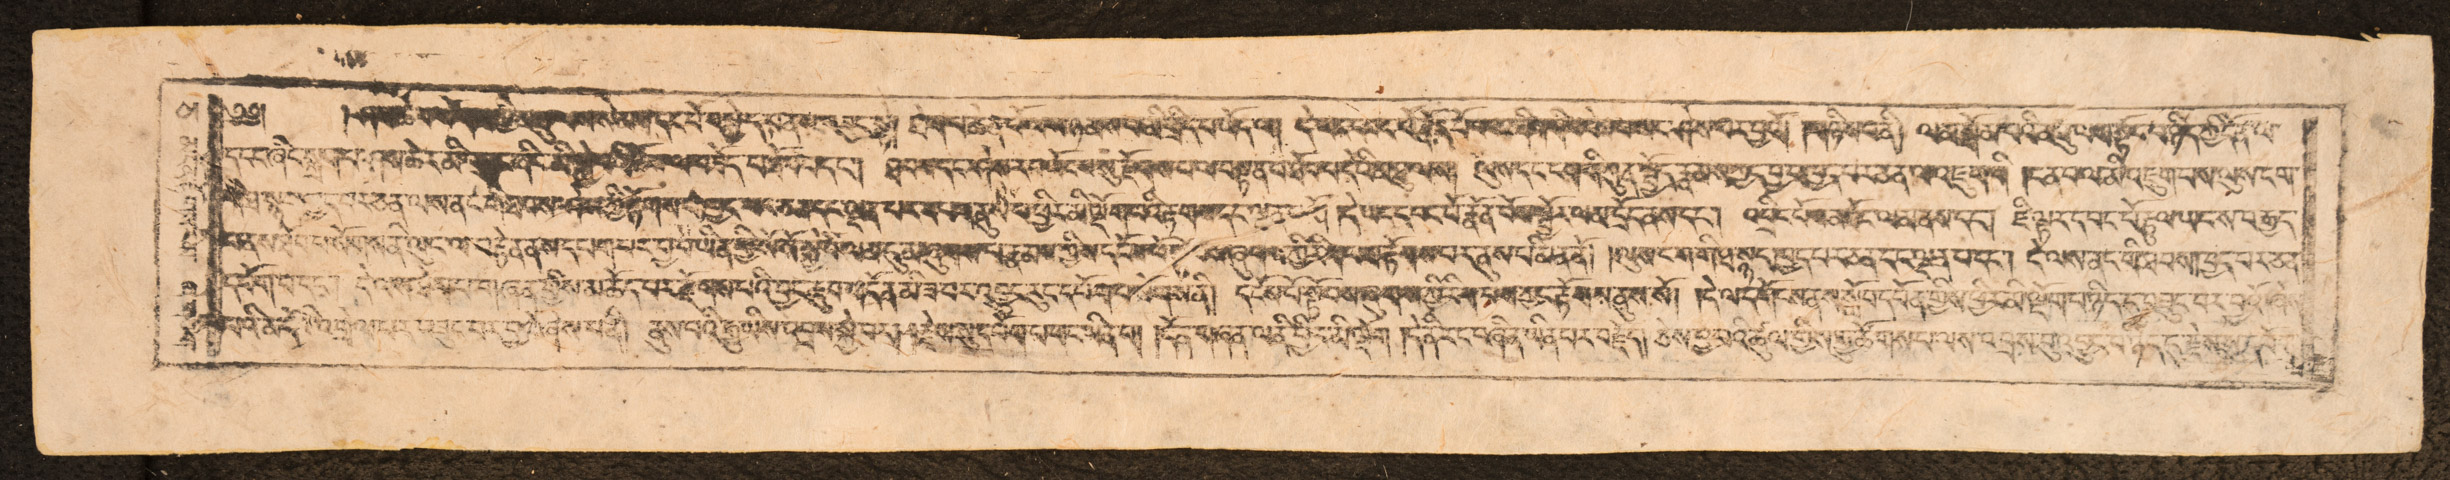༄༅། །ཤས་ཆེ་བ་སོགས་ཀྱི་མཐུ་ལས་སེམས་དང་པོ་བསྐྱེད་པ་ནས་བཟུང་སྟེ། ཐེག་པ་ཆེན་པོ་ལས་ཉམས་པ་མི་སྲིད་པ་ཡོད་ལ། དེ་ཡང་དབང་པོ་རྣོན་པོ་འབའ་ཞིག་གིས་ངེས་པ་ཡང་ཤེས་པར་བྱའོ། །གཉིས་པ་ནི། ལམ་སྒོམ་པའི་མཐུ་ལས་སྟོང་པ་ཉིད་ཀྱི་དོན་ལ་
དངང་ཞིང་སྐྲག་པ་ཤས་ཆེར་མི་འབྱུང་ཞིང་མི་སྐྱེ་བའི་ཆོས་ལ་བཟོད་པ་ཐོབ་པ་དང་། ཐབས་དང་ཤེས་རབ་ཡོངས་སུ་རྫོགས་པ་ལ་བསྟན་པ་ཐོབ་པ་དེའི་མཐུ་ལས། ལུས་དང་ངག་གི་ཀུན་སྤྱོད་རྣམས་ཀྱང་བྱ་བ་ཁྱད་པར་ཅན་ལ་འཇུག་གི །ངན་པ་ལ་མི་འཇུག་པས་ལུས་ངག་
གི་ཐ་སྙད་ཁྱད་པར་ཅན་ལས་ནང་གི་ཐབས་ཤེས་ཀྱི་རྟོགས་པ་ཁྱད་པར་ཅན་དང་ལྡན་པར་དཔག་ནུས་པ་ཕྱིར་མི་ལྡོག་པའི་རྟགས་དང་ལྡན་པའོ། །དེ་ཡང་དབང་པོ་རྣོན་པོས་སྦྱོར་ལམ་དྲོད་ནས་དང་། འབྲིང་པོས་མཐོང་ལམ་ནས་དང་། ཇི་ལྟར་དབང་པོ་རྟུལ་ཡང་ས་བརྒྱད་
པ་ནས་ཐོབ་པ་སོགས་ནི་ལུང་ལ་བརྟེན་ནས་དཔག་པར་བྱ་བ་ཡིན་གྱི་སོ་སོ་སྐྱེ་བོ་ལམ་དུ་མ་ཞུགས་པ་རྣམས་ཀྱིས་དངོས་པོ་སྟོབས་ཞུགས་ཀྱི་རིག་པས་རྟོགས་པར་ནུས་པ་མིན་ནོ། །ལུས་ངག་གི་ཐ་སྙད་ཁྱད་པར་ཅན་དང་ལྡན་པ་དང་། དེ་ལས་ནང་གི་ཐབས་ཁྱད་པར་ཅན་
དཔོག་པ་དང་། དེ་ལས་ཐེག་པ་གཞན་གྱིས་མཆོད་པར་རྫོགས་པའི་བྱང་ཆུབ་གདོན་མི་ཟ་བར་འབྱུང་རུང་དཔོག་པ་སོགས་ནི། དངོས་པོ་སྟོབས་ཞུགས་ཀྱི་རིག་པས་ཀྱང་རྟོགས་ནུས་སོ། །དེ་ལ་དགོངས་ནས་སློབ་དཔོན་གྱིས་ཕྱིར་མི་ལྡོག་པ་ཉིད་དུ་བཟུང་བར་བྱའོ། ཞེས་
པའི་མདོའི་འགྲེལ་པར་བཟུང་བར་བྱའོ་ཞེས་པ་ནི། ནུས་པའི་རྒྱུ་ཡིས་འབྲས་སྐྱེ་བར། །རྗེས་སུ་དཔོག་པ་གང་ཡིན་པ། །དོན་གཞན་ལ་ནི་ཕྱིར་མི་ལྡོག །དེ་ནི་རང་བཞིན་ཡིན་པར་བརྗོད། ཅེས་བྱ་བའི་ཚུལ་གྱིས་རྒྱུ་ཚོགས་པ་ལས་འབྲས་བུ་འབྱུང་བ་ཉིད་དུ་རྗེས་སུ་དཔོག་